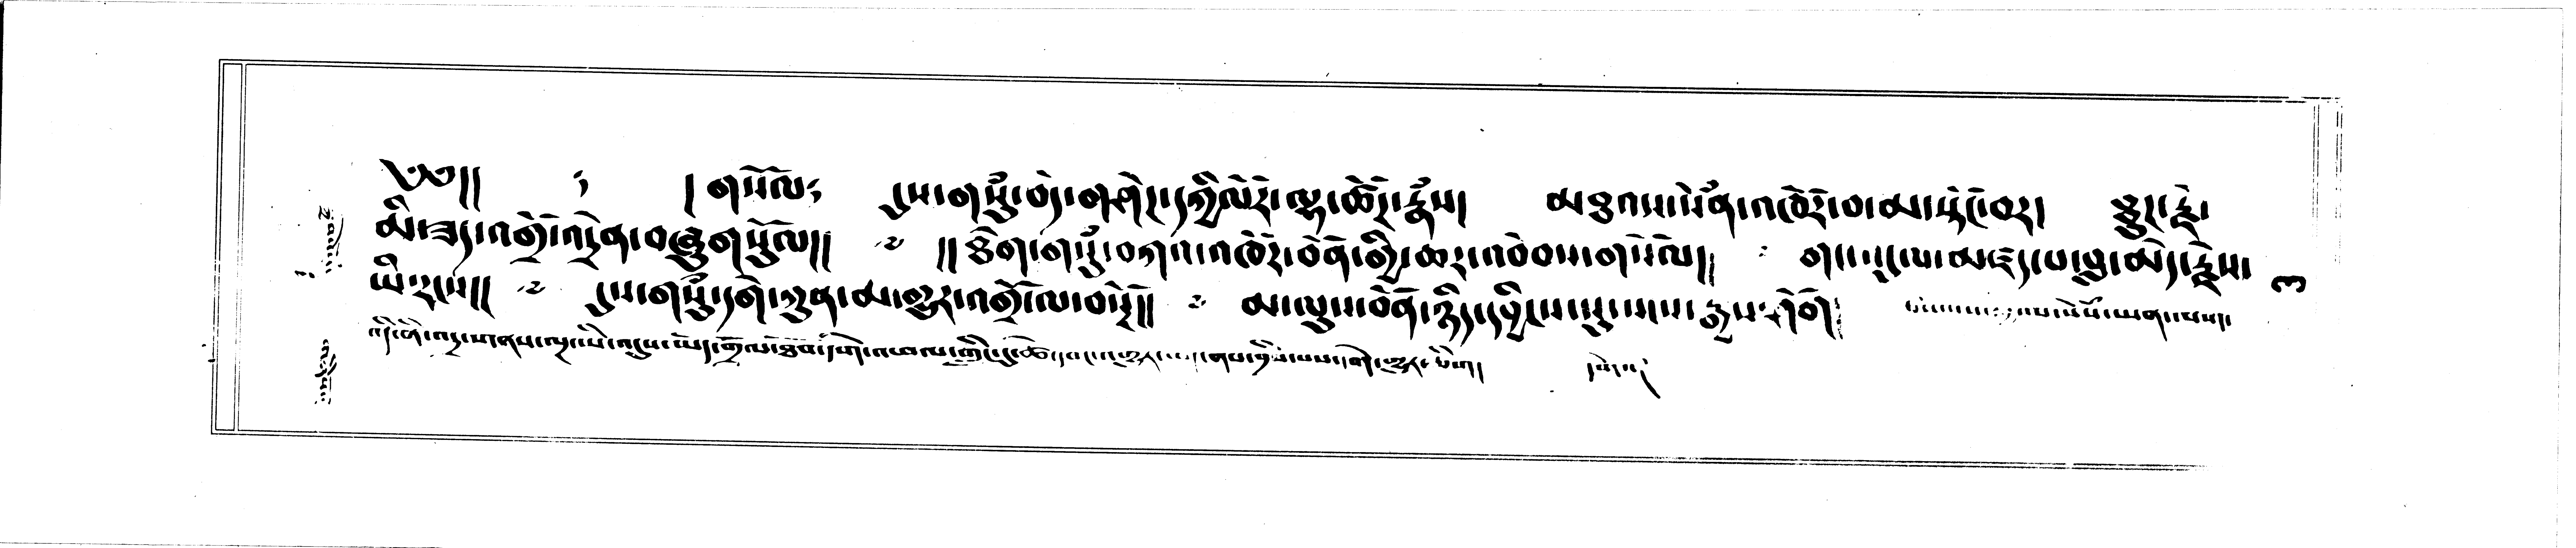གསོལ། །དུས་གསུམ་བདེར་གཤེགས་དཀྱིལ་འཁོར་ལྷ་ཚོགས་རྣམས། །མཐའ་ཡས་སེམས་ཅན་འཁོར་བ་མ་སྟོང་བར། །ཐུགས་རྗེ་
མི་ཟད་འགྲོ་འདྲེན་བཞུགས་སུ་གསོལ། །ཐེག་གསུམ་བཀའ་འཁོར་བོན་གྱི་ཆར་འབེབས་གསོལ། །གང་འདུལ་མཛད་པ་བླ་མེད་རྗེས་
ཡི་རངས། །དུས་གསུམ་དགེ་ཀུན་མ་གྱུར་འགྲོ་ལ་བསྔོ། །མ་ལུས་བོན་ཉིད་དབྱིངས་སུ་སངས་རྒྱས་ཤོག །ཅེས་སྐྱབས་སེམས་ཡན་ལག་
འདི་ནི་འདུ་གནས་ལྔ་ཡི་འདུས་མདོ་གྲོལ་ཐོབ་དགེ་འཕེལ་གླིང་དུ་ཚེ་དབང་འགྱུར་མེད་ནས་བྲིས་པས་དགེ་བར་གྱུར་ཅིག །དགེའོ། །